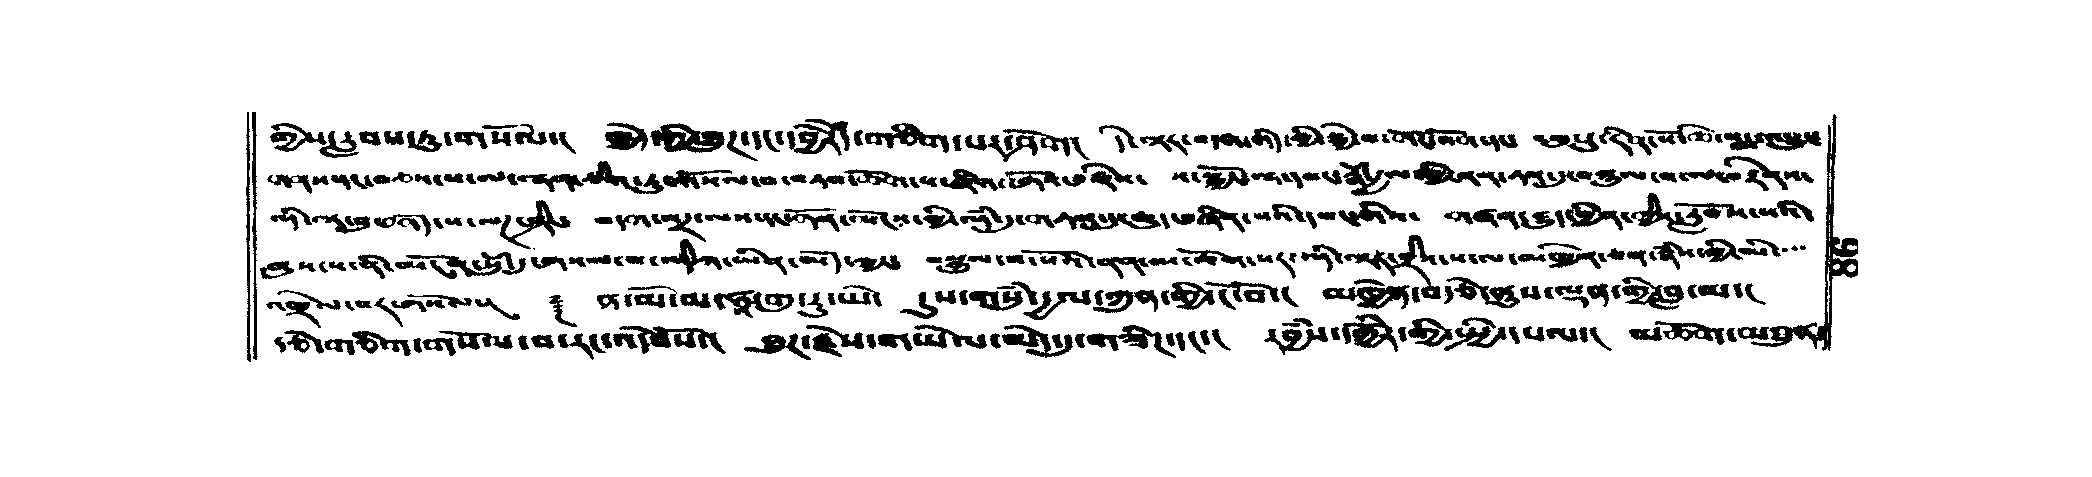གྱིས་བརླབ་ཏུ་གསོལ། ཁྱེད་ཀྱི་ཐུགས་དང་དབྱེར་མེད་གཅིག་པར་ཤོག། དེ་ལྟར་བདག་ཉིད་ཀྱི་སྐྱེ་བ་གོང་འོག་དང་། གུ་རུ་རིན་པོ་ཆེ་པདྨ་འབྱུང་
གནས་དང་བཅས་པ་ལ་ལྷན་ཅིག་ཏུ་གསོལ་བ་བཏབ་ཆོག་པ་ཞག་དགོས་ཞེས། ས་སྐྱོང་ལྷ་དབང་རྣམ་རྒྱལ་གྱི་ནན་ཏན་དུ་བསྐུལ་བ་ལ་བརྟེན་
ནས་འདི་ལྟ་བུ་བཀོད་པ་ལགས་ཤིང་། བདག་འདྲ་ལས་དང་ཉོན་མོངས་ཀྱི་འདམ་དུ་གཏན་དུ་ཆུད་བཞིན་པའི་དབང་གིས་གཞན་རྒྱུད་བྱིན་གྱིས་རློབ་པའི་
ནུས་པ་ནི་མངོན་སུམ་དུ་གསལ་བ་འདི་ཀ་ཡིན་མོད་ཀྱང་། བསྐུལ་པ་པོའི་ནན་མ་ཆོག་པར་འདི་ལྟར་བྲིས་པ་ལ་མཁྱེན་ཅན་རྣམས་ཀྱི་མི་
འཁྲེལ་བར་གསོལ།། ༈ ན་མོ་མ་ཧཱ་གུ་རུ་ཡེ། དུས་གསུམ་རྒྱལ་ཀུན་གྱི་ངོ་བོ། །མཁྱེན་བརྩེ་ཞུས་ལྡན་གྱི་བླ་མ། །
རྩེ་གཅིག་གསོལ་བ་རང་འདེབས་སོ། །ཐུགས་རྗེས་གཡེལ་མེད་དུ་གཟིགས་དང་། །རབ་འབྱམས་དཀྱིལ་འཁོར་གྱི་སྤྱི་དཔལ། །མཆོག་ཐུན་